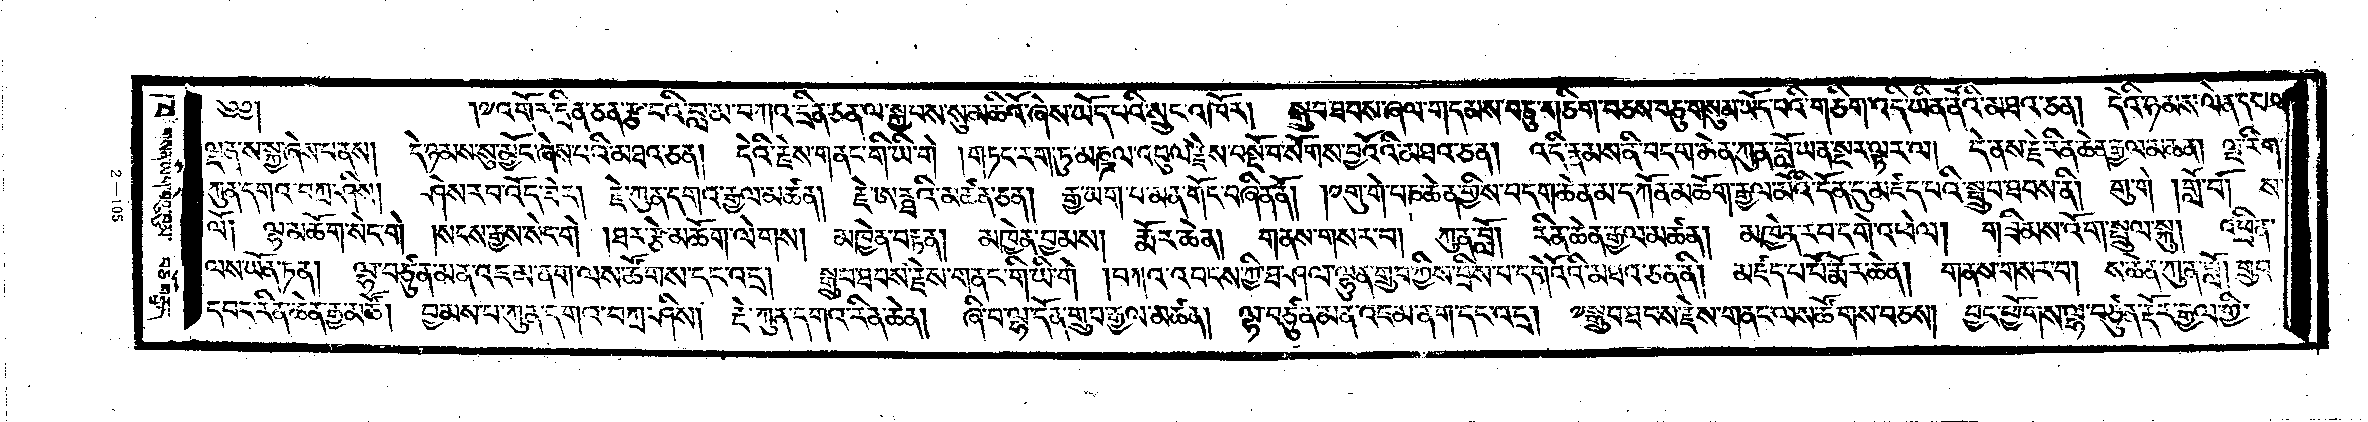༄༅། །༧་འགོར་དྲིན་ཅན་རྩ་བའི་བླ་མ་བཀའ་དྲིན་ཅན་ལ་སྐྱབས་སུ་མཆིའོ་ཞེས་ཡོད་པའི་སྲུང་འཁོར། སྒྲུབ་ཐབས་ཞལ་གདམས་བཅུ་གཅིག་བཅས་བཅུ་གསུམ་ཡོད་པའི་གཅིག་འདི་ཡིན་ནོའི་མཐའ་ཅན། དེའི་ཉམས་ལེན་དཔལ་
ལྡན་ས་སྐྱ་ཞེས་པ་ནས། དེ་ཉམས་སུ་མྱོང་ཞེས་པའི་མཐའ་ཅན། དེའི་རྗེས་གནང་གི་ཡི་གེ །གཏང་རག་ཏུ་མཎྜལ་འབུལ་རྗེས་བསྔོ་བ་སོགས་བྱའོའི་མཐའ་ཅན། འདི་རྣམས་ནི་བདག་ཆེན་ཀུན་བློ་ཡན་སྔར་ལྟར་ལ། དེ་ནས་རྗེ་རིན་ཆེན་རྒྱལ་མཚན། ལྔ་རིག་
ཀུན་དགའ་བཀྲ་ཤིས། ཤེས་རབ་འོད་ཟེར། རྗེ་ཀུན་དགའ་རྒྱལ་མཚན། རྗེ་ཨརྠའི་མཚན་ཅན། རྒྱ་ཡག་པ་མན་གོང་བཞིན་ནོ། །འགུ་གེ་པཎ་ཆེན་གྱིས་བདག་ཆེན་མ་དཀོན་མཆོག་རྒྱལ་མོའི་དོན་དུ་མཛད་པའི་སྒྲུབ་ཐབས་ནི། གུ་གེ །གློ་བོ། ས་
ལོ༑ ལྷ་མཆོག་སེང་གེ །སངས་རྒྱས་སེང་གེ །ཐར་རྩེ་མཆོག་ལེགས། མཁྱེན་བརྟན། མཁྱེན་བྱམས། རྨོར་ཆེན། གནས་གསར་བ། ཀུན་བློ། རིན་ཆེན་རྒྱལ་མཚན། མཁྱེན་རབ་དགེ་འཕེལ། གཟིམས་འོག་སྤྲུལ་སྐུ། འཕྲིན་
ལས་ཡོན་ཏན། ལྷ་བཙུན་མན་འཇམ་ནག་ལས་ཚོགས་དང་འདྲ། སྒྲུབ་ཐབས་རྗེས་གནང་གི་ཡི་གེ །བཀའ་འབངས་ཀྱི་ཐ་ཤལ་ལྷུན་གྲུབ་ཀྱིས་བྲིས་པ་དགེའོའི་མཐའ་ཅན་ནི། མཛད་པ་པོ་རྨོར་ཆེན། གནས་གསང་བ། ས་ཆེན་ཀུན་གློ། གྲུབ་
དབང་རིན་ཆེན་རྒྱ་མཚོ། བྱམས་པ་ཀུན་དགའ་བཀྲ་ཤིས། རྗེ་ཀུན་དགའ་རིན་ཆེན། ཞི་བ་ལྷ་དོན་གྲུབ་རྒྱལ་མཚན། ལྷ་བཙུན་མན་འཇམ་ནག་དང་འདྲ། ༧སྒྲུབ་ཐབས་རྗེས་གནང་ལས་ཚོགས་བཅས། བྱང་ཕྱོགས་ལྷ་བཙུན་རྡོར་རྒྱལ་གྱི་